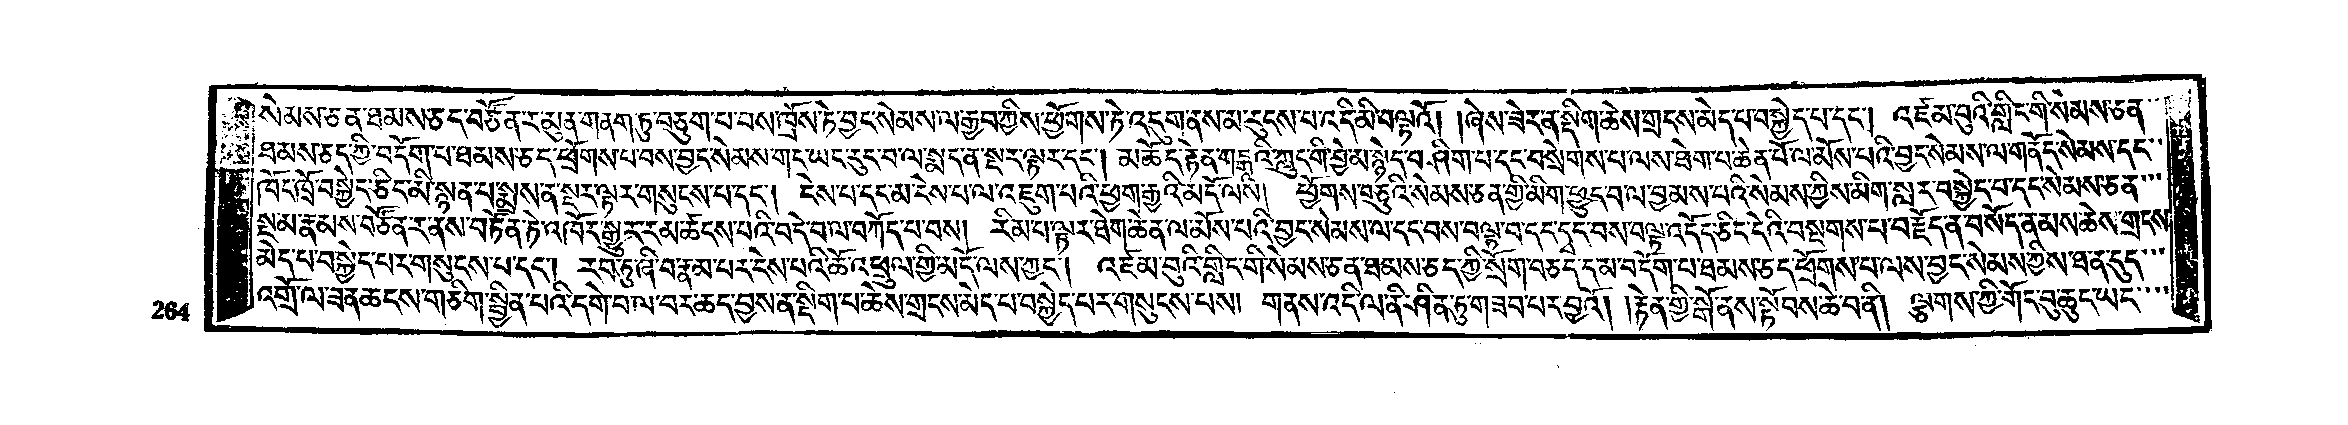སེམས་ཅན་ཐམས་ཅད་བཙོན་ར་མུན་གནག་ཏུ་བཅུག་པ་བས་ཁྲོས་ཏེ་བྱང་སེམས་ལ་རྒྱབ་ཀྱིས་ཕྱོགས་ཏེ་འདུག་ནས་མ་རུངས་པ་འདི་མི་བལྟའོ། །ཞེས་ཟེར་ན་སྡིག་ཆེས་གྲངས་མེད་པ་བསྐྱེད་པ་དང་། འཛམ་བུའི་གླིང་གི་སེམས་ཅན་
ཐམས་ཅད་ཀྱི་བདོག་པ་ཐམས་ཅད་ཕྲོགས་པ་བས་བྱང་སེམས་གང་ཡང་རུང་བ་ལ་སྨད་ན་སྔར་ལྟར་དང་། མཆོད་རྟེན་གངྒཱའི་ཀླུང་གི་བྱེ་མ་སྙེད་བཤིག་པ་དང་བསྲེགས་པ་ལས་ཐེག་པ་ཆེན་པོ་ལ་མོས་པའི་བྱང་སེམས་ལ་གནོད་སེམས་དང་
ཁོང་ཁྲོ་བསྐྱེད་ཅིང་མི་སྙན་པ་སྨྲས་ན་སྔར་ལྟར་གསུངས་པ་དང་། ངེས་པ་དང་མ་ངེས་པ་ལ་འཇུག་པའི་ཕྱག་རྒྱའི་མདོ་ལས། ཕྱོགས་བཅུའི་སེམས་ཅན་གྱི་མིག་ཕྱུང་བ་ལ་བྱམས་པའི་སེམས་ཀྱིས་མིག་སླར་བསྐྱེད་པ་དང་སེམས་ཅན་
སྔ་མ་རྣམས་བཙོན་ར་ནས་བཏོན་ཏེ་འཁོར་སྒྱུར་རམ་ཚངས་པའི་བདེ་བ་ལ་བཀོད་པ་བས། རིམ་པ་ལྟར་ཐེག་ཆེན་ལ་མོས་པའི་བྱང་སེམས་ལ་དང་བས་བལྟ་བ་དང་དྭང་བས་བལྟ་འདོད་ཅིང་དེའི་བསྔགས་པ་བརྗོད་ན་བསོད་ནམས་ཆེས་གྲངས་
མེད་པ་བསྐྱེད་པར་གསུངས་པ་དང་། རབ་ཏུ་ཞི་བ་རྣམ་པར་ངེས་པའི་ཆོ་འཕྲུལ་གྱི་མདོ་ལས་ཀྱང་། འཛམ་བུའི་གླིང་གི་སེམས་ཅན་ཐམས་ཅད་ཀྱི་སྲོག་བཅད་དམ་བདོག་པ་ཐམས་ཅད་ཕྲོགས་པ་ལས་བྱང་སེམས་ཀྱིས་ཐ་ན་དུད་
འགྲོ་ལ་ཟན་ཆངས་གཅིག་སྦྱིན་པའི་དགེ་བ་ལ་བར་ཆད་བྱས་ན་སྡིག་པ་ཆེས་གྲངས་མེད་པ་བསྐྱེད་པར་གསུངས་པས། གནས་འདི་ལ་ནི་ཤིན་ཏུ་གཟབ་པར་བྱའོ། །རྟེན་གྱི་སྒོ་ནས་སྟོབས་ཆེ་བ་ནི། ལྕགས་ཀྱི་གོང་བུ་ཆུང་ཡང་